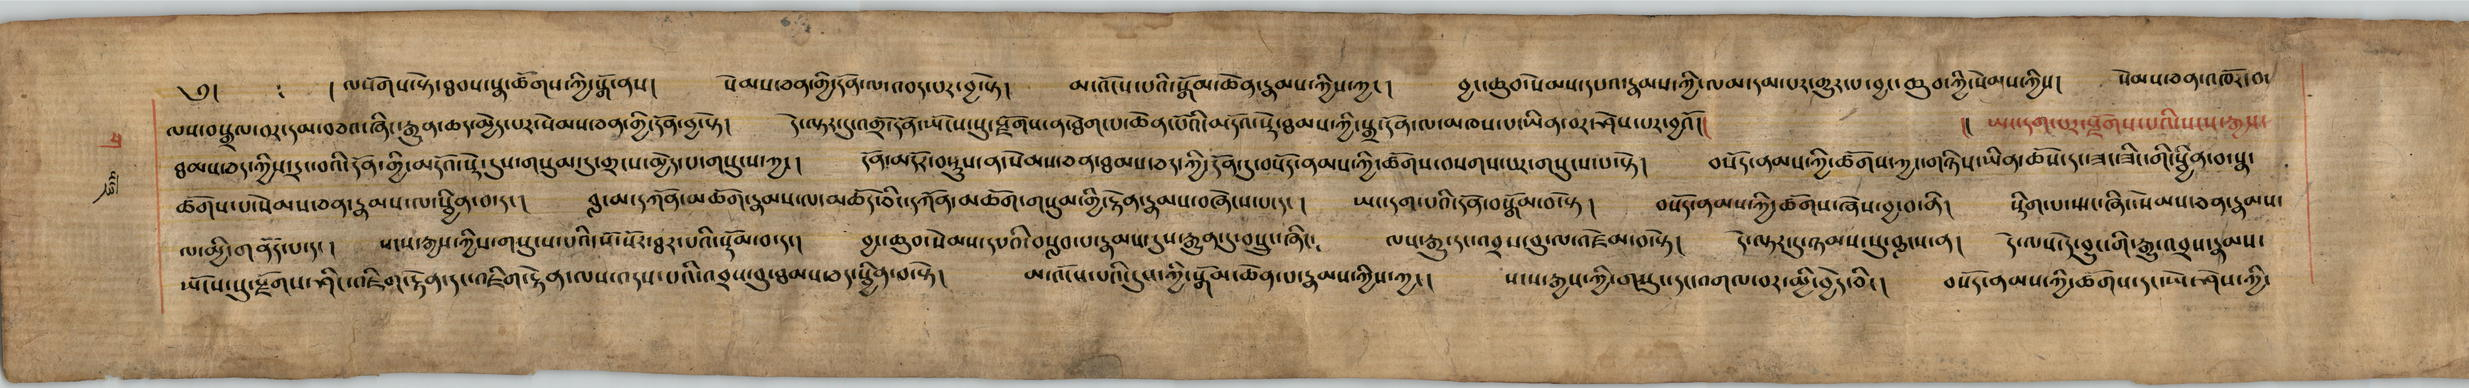༅། ། ལསོགས་སྟེ་ཐབས་སྣ་ཚོགས་ཀྱི་སྒོ་ནས། སེམས་ཅན་གྱི་དོན་ལ་འབད་པར་བྱ་སྟེ། མ་འོངས་པའི་སྒོམ་ཆེན་རྣམས་ཀྱིས་ཀྱང། བྱང་ཆུབ་སེམས་དཔའ་རྣམས་ཀྱི་ལམ་དམ་པར་གྱུར་པ་བྱང་ཆུབ་ཀྱི་སེམས་ཀྱིས། སེམས་ཅན་འཁོར་བ་
ལས་བསྒྲལ་བར་དམ་བཅའ་ཞིང་རྒྱུན་ཆད་མྱེད་པར་སེམས་ཅན་གྱི་དོན་བྱ་སྟེ། དེ་ལྟར་དུ་འགྲོ་དོན་ཡོངས་སི་སྫོགས་ན་ཐེག་པ་ཆེན་པོའི་མདོའ་སྡེ་ཐམས་ཅད་ཀྱི་སྒྲ་དོན་ལ་མཁས་པ་ཡིན་བར་ཤེས་པར་བྱའོ།། །། ཡང་དག་པར་སྫོགས་པའི་སངས་རྒྱས་
ཐམས་ཅད་ཀྱིས་དྲང་བའི་དོན་གྱི་མདོའ་སྡེ་དུས་གསུམ་དུ་གྲངས་མྱེད་པ་གསུངས་ཀྱང། དོན་མདོར་བསྡུས་ན་སེམས་ཅན་ཐམས་ཅད་ཀྱི་དོན་དུ་བསོད་ནམས་ཀྱི་ཚོགས་བསགས་པར་གསུངས་པ་སྟེ། བསོད་ནམས་ཀྱི་ཚོགས་ཀྱང་གཉིས་ཡིན་ཆོས་དང་ཟང་ཟིང་གི་སྦྱིན་བ་སྣ་
ཚོགས་པ་སེམས་ཅན་རྣམས་ལ་སྦྱིན་བ་དང། བླ་མ་དཀོན་མཆོག་རྣམས་ལ་མཆོད་ཅིང་དཀོན་མཆོག་གསུམ་གྱི་རྟེན་རྣམས་བཞེངས་པ་དང། ཡང་དག་པའི་དོན་བསྒོམ་བ་སྟེ། བསོད་ནམས་ཀྱི་ཚོགས་ཞེས་བྱ་བ་ནི། སྡིག་པ་ཡང་ཞིང་སེམས་ཅན་རྣམས་
ལ་མྱི་གནོད་པ་དང། སངས་རྒྱས་ཀྱིས་གསུངས་པའི་སོ་སོར་ཐར་པའི་སྡོམ་བ་དང། བྱང་ཆུབ་སེམས་དཔའི་བསླབ་རྣམས་དུས་རྒྱུན་དུ་བསྲུང་ཞིང༴ ལས་རྒྱུ་དང་འབྲས་བུ་ལ་འཛེམ་བ་སྟེ། དེ་ལྟར་དུ་ཉམས་སུ་བླངས་ན། དེ་ལས་དེ་བྱུང་གི་རྒྱུ་འབྲས་རྣམས་
ཡོངས་སུ་སྫོགས་ཤིང་འཇིག་རྟེན་དང་འཇིག་རྟེན་ལས་འདས་པའི་འབྲས་བུ་ཐམས་ཅད་སྦྱིན་བ་སྟེ། མ་འོངས་དུས་ཀྱི་སྒོམ་ཆེན་པ་རྣམས་ཀྱིས་ཀྱང། སངས་རྒྱས་ཀྱི་གསུང་དང་འགལ་བར་མྱི་བྱེད་ཅིང། བསོད་ནམས་ཀྱི་ཚོགས་དང་ཡེ་ཤེས་ཀྱི་